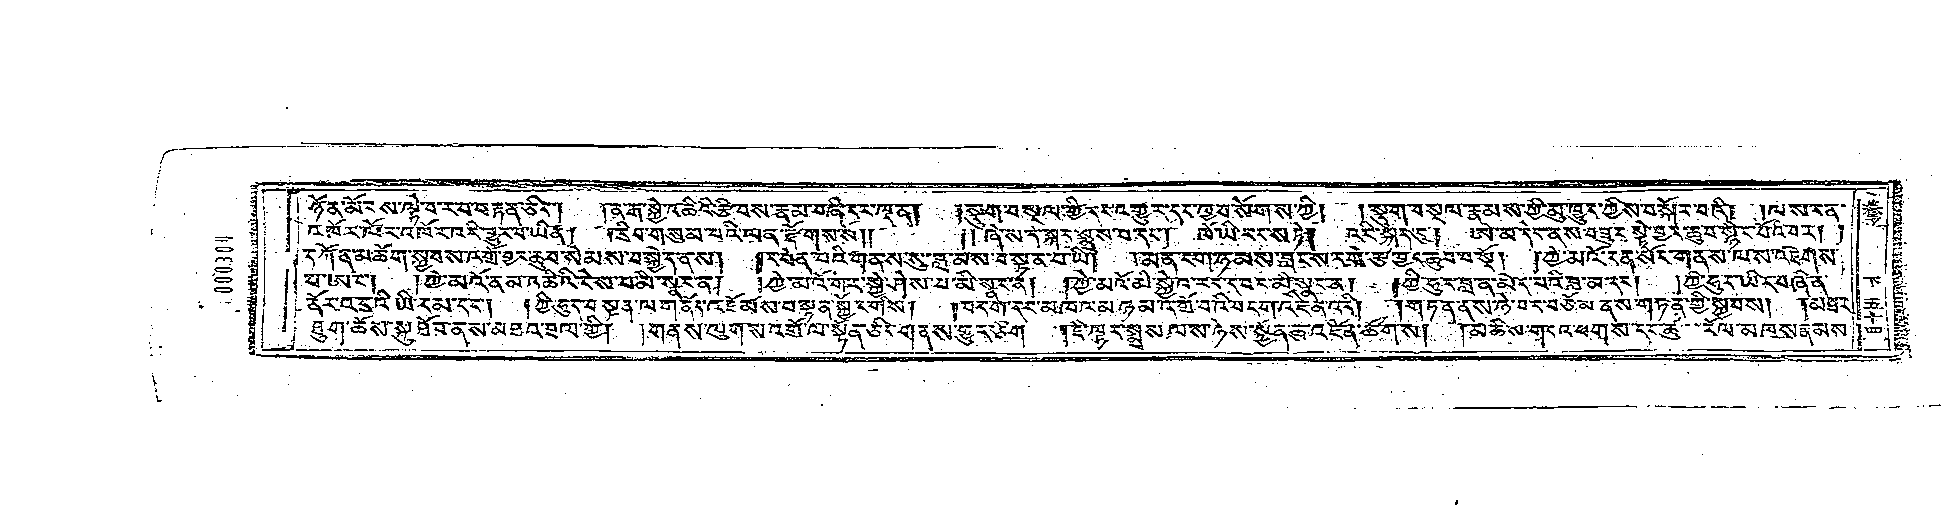ཉོན་མོངས་ལྟེ་བ་རབ་བརྟན་ཅིང་། །ན་རྒ་སྐྱེ་འཆིའི་རྩིབས་རྣམ་བཞི་དང་ལྡན། །སྡུག་བསྔལ་གྱི་དང་འགྱུར་དང་ཁྱབ་སོགས་ཀྱི། །སྡུག་བསྔལ་རྣམས་ཀྱི་མུ་ཁྱུད་ཀྱིས་བསྐོར་བའི། །ལས་ངན་
འཁོར་ལོར་འཁོར་འདི་བྱུང་བ་ཡིན། །དྲི་བ་གསུམ་པའི་ལན་རྫོགས་སོ།། །།ཞེས་དེ་སྐད་སྨྲས་པ་དང་། ཁོ་ཡི་རངས་ཏེ། འདི་སྐད་དུ། ཨེ་མ་དེང་ནས་བཟུང་སྟེ་བྱང་ཆུབ་སྙིང་པོའི་བར། །
དཀོན་མཆོག་སྐྱབས་འགྲོ་བྱང་ཆུབ་སེམས་བསྐྱེད་ནས། །དབེན་པའི་གནས་སུ་བླ་མས་བསྟན་པ་ཡི། །མན་ངག་ཉམས་བླངས་དགེ་རྩ་བྱང་ཆུབ་བསྔོ། །ཀྱེ་མའོ་ངན་སོང་གནས་ལས་འཇིགས་
པ་དང་། །ཀྱེ་མའོ་ནམ་འཆིའི་ངེས་པ་མི་སྣང་ན། །ཀྱེ་མའོ་གར་སྐྱེ་ཤེས་པ་མི་སྣང་ན། །ཀྱེ་མའོ་མི་སྐྱེའི་རང་དབང་མི་སྣང་ན། །ཀྱི་ཧུད་བླ་ན་མེད་པའི་བླ་མ་དང་། །ཀྱི་ཧུད་ཡིད་བཞིན་
ནོར་འདྲའི་ཡི་དམ་དང་། །ཀྱི་ཧུད་བསྟན་ལ་གནོད་འཇོམས་བསྟན་སྐྱོང་གིས། །བདག་དང་མཁའ་མཉམ་འགྲོ་བའི་བདག་འཛིན་འདི། །གཏན་ནས་ཉེ་བར་བཅོམ་ནས་གཏན་གྱི་སྐྱབས། །མཐར་
ཐུག་ཆོས་སྐུ་ཐོབ་ནས་མཐའ་བྲལ་གྱི། །གནས་ལུགས་འགྲོ་ལ་སྟོན་ཅིང་གནས་གྱུར་ཅིག །ཇི་ལྟར་སྨྲས་ལས་ཉེས་སྐྱོན་ཆུ་འཛིན་ཚོགས། །མཆིས་གང་འཕགས་དང་ཚུར་རོལ་མཁས་རྣམས་